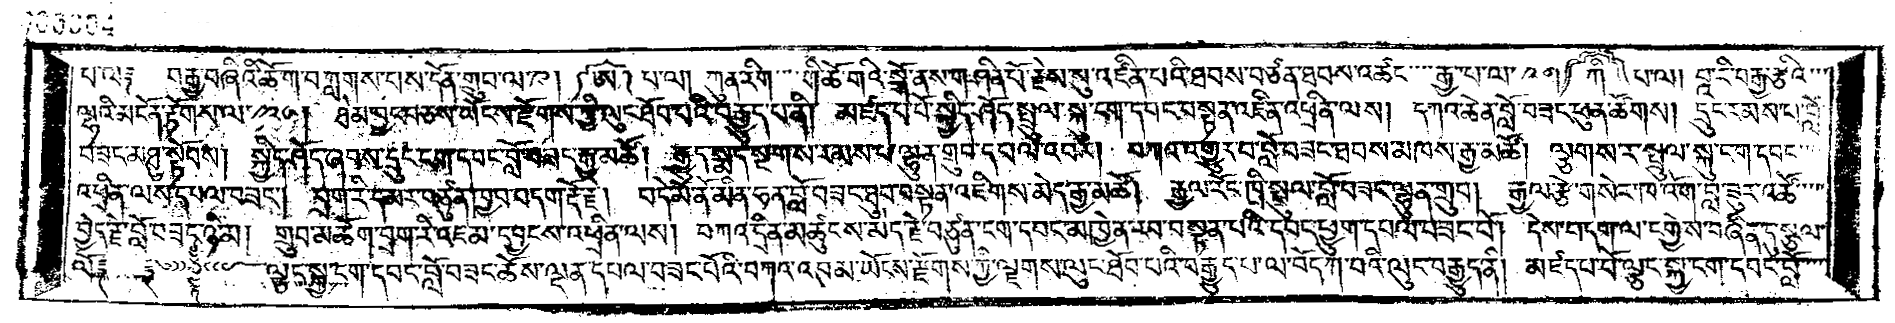པ་ལ༑ བརྒྱ་བཞིའི་ཆོ་ག་བཀླགས་པས་དོན་གྲུབ་ལ ༩། ༼ཨ༽ པ་ལ། ཀུན་རིག་གི་ཆོ་གའི་སྒོ་ནས་གཤིན་པོ་རྗེས་སུ་འཛིན་པའི་ཐབས་བཙན་ཐབས་འཚང་རྒྱ་བ་ལ ༢༠། ༼༽ཀི༼༽ པ་ལ། བཱ་རི་བརྒྱ་རྩའི་
ལྷའི་མངོན་རྟོགས་ལ ༣༦། ཐེམ་བྱང་བཅས་ཡོངས་རྫོགས་ཀྱི་ལུང་ཐོབ་པའི་བརྒྱུད་པ་ནི། མཛད་པ་པོ་སྐྱིད་ཤོད་སྤྲུལ་སྐུ་ངག་དབང་བསྟན་འཛིན་འཕྲིན་ལས། དཀའ་ཆེན་བློ་བཟང་ཕུན་ཚོགས། དྲུང་རམས་པ་བློ་
བཟང་མཐུ་སྟོབས། སྐྱིད་ཤོད་ཞབས་དྲུང་ངག་དབང་བློ་བཟང་རྒྱ་མཚོ། རྒྱུད་སྨད་སྔགས་རམས་པ་ལྷུན་གྲུབ་དཔལ་འབར། བཀའ་འགྱུར་བ་བློ་བཟང་ཐབས་མཁས་རྒྱ་མཚོ། ལྕགས་ར་སྤྲུལ་སྐུ་ངག་དབང་
འཕྲིན་ལས་དཔལ་བཟང་། བྲག་རི་དམར་བཙུན་ཁྱབ་བདག་རྡོ་རྗེ། བདེ་མོ་ནོ་མིན་ཧན་བློ་བཟང་ཐུབ་བསྟན་འཇིགས་མེད་རྒྱ་མཚོ། རྒྱལ་རོང་ཁྲི་སྤྲུལ་བློ་བཟང་ལྷུན་གྲུབ། རྒྱལ་རྩེ་གསེར་ཁ་འོག་བླ་ཟུར་འཚོ་
བྱེད་རྗེ་བློ་བཟང་ཉི་མ། གྲུབ་མཆོག་བྲག་རི་འཇམ་དབྱངས་འཕྲིན་ལས། བཀའ་དྲིན་མཚུངས་མེད་རྗེ་བཙུན་ངག་དབང་མཁྱེན་རབ་བསྟན་པའི་དབང་ཕྱུག་དཔལ་བཟང་པོ། དེས་བདག་ལ་དགྱེས་བཞིན་དུ་སྩལ་
ལོ༑ ༑ ༈ ལྕང་སྐྱ་ངག་དབང་བློ་བཟང་ཆོས་ལྡན་དཔལ་བཟང་པོའི་བཀའ་འབུམ་ཡོངས་རྫོགས་ཀྱི་ལྗགས་ལུང་ཐོབ་པའི་བརྒྱུད་པ་ལ་བོད་ཀ་པའི་ལུང་བརྒྱུད་ནི། མཛད་པ་པོ་ལྕང་སྐྱ་ངག་དབང་བློ་